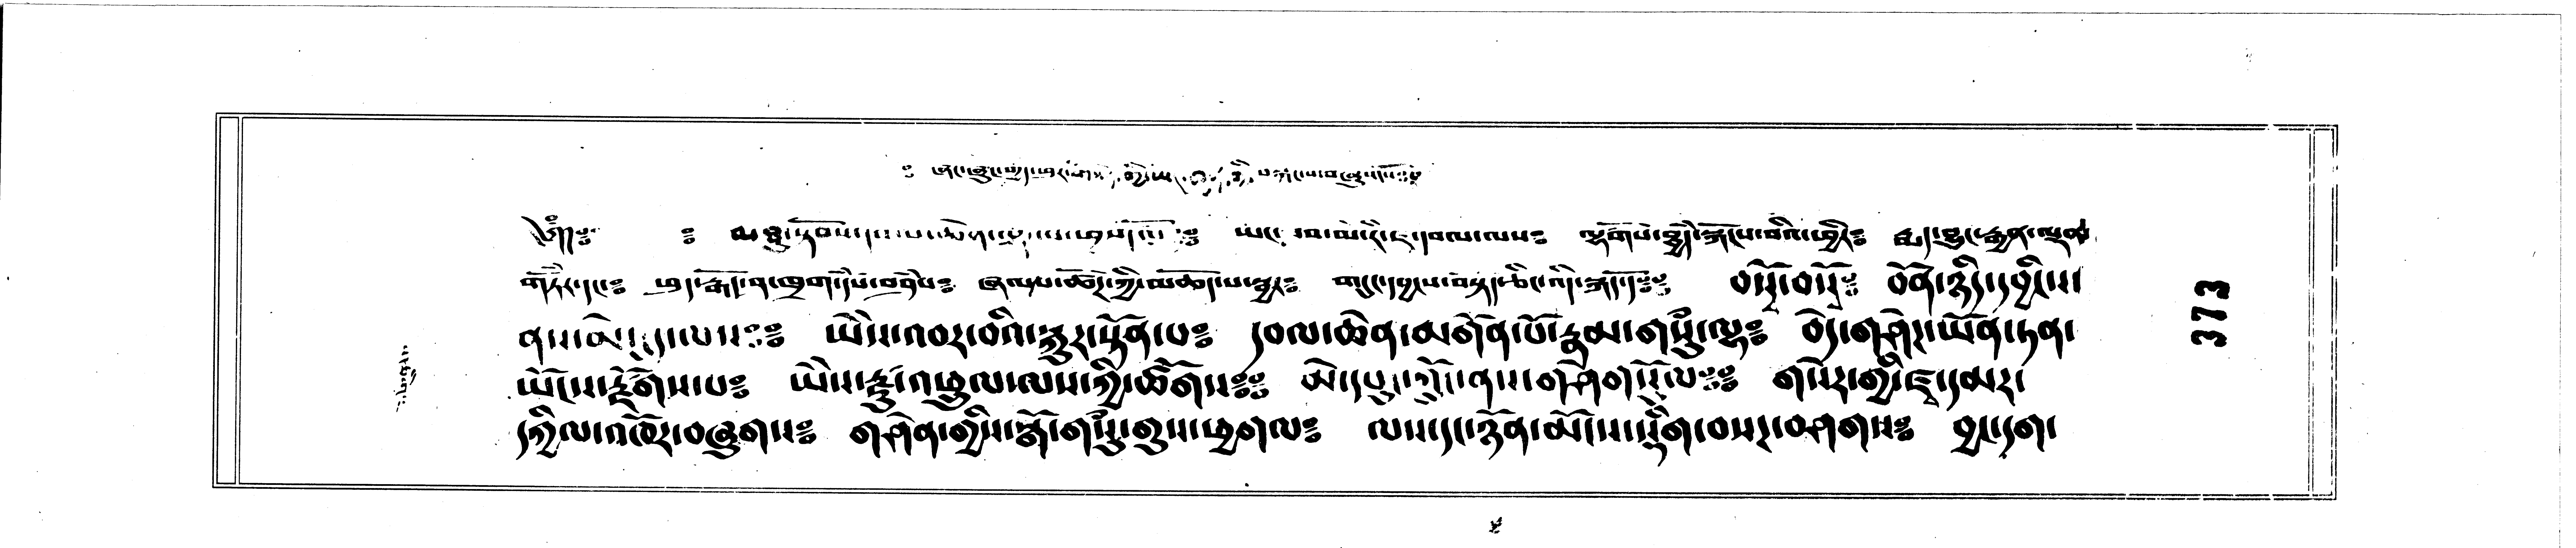མཐུ་སྟོབས་དབལ་ཆེན་ལྷ་ལ་ཕྱག་འཚལ་ལོ༔ ཡང་ཟབ་མེ་རི་ཛྭ་དབལ་ལས༔ ལྷ་ཚོགས་ཐུགས་དམ་བསྐང་བའི་ཕྱིར༔ རྨད་བྱུང་རྒྱན་ལྡན་
གཏོར་མ་དང་༔ ཕུད་རྒོད་ཤ་ཁྲག་དམ་རྫས་བཤམས༔ ཞལ་ཡས་ཚོགས་ཀྱི་མཆོད་པ་སྦྱར༔ གདུང་དབྱངས་བསྟོད་ཅིང་འདི་སྐད་དོ༔༔ བསྭོ་བསྭོ༔ བོན་ཉིད་དབྱིངས་
ནས་མེ་དུད་ལས༔༔ ཡེ་ཤེས་འབར་བའི་སྐུར་སྟོན་པ༔ དབལ་ཆེན་མགོན་པོ་རྣམ་གསུམ་ལྷ༔ བདེ་གཤེགས་ཡོན་ཏན་
ཡོངས་རྫོགས་པ༔ ཡེ་ཤེས་རྫུ་འཕྲུལ་ལས་ཀྱི་ཚོགས༔༔ མེ་དཔུང་གླིང་ནས་གཤེགས་སུ་གསོལ༔༔ གསེར་གྱི་ཛྭ་དམར་
དཀྱིལ་འཁོར་བཞུགས༔ གཤེན་གྱིས་སྒོ་གསུམ་གུས་ཕྱག་འཚལ༔ ལས་དང་ཉོན་མོངས་སྡིག་བསགས་བཤགས༔ བྱང་དག་